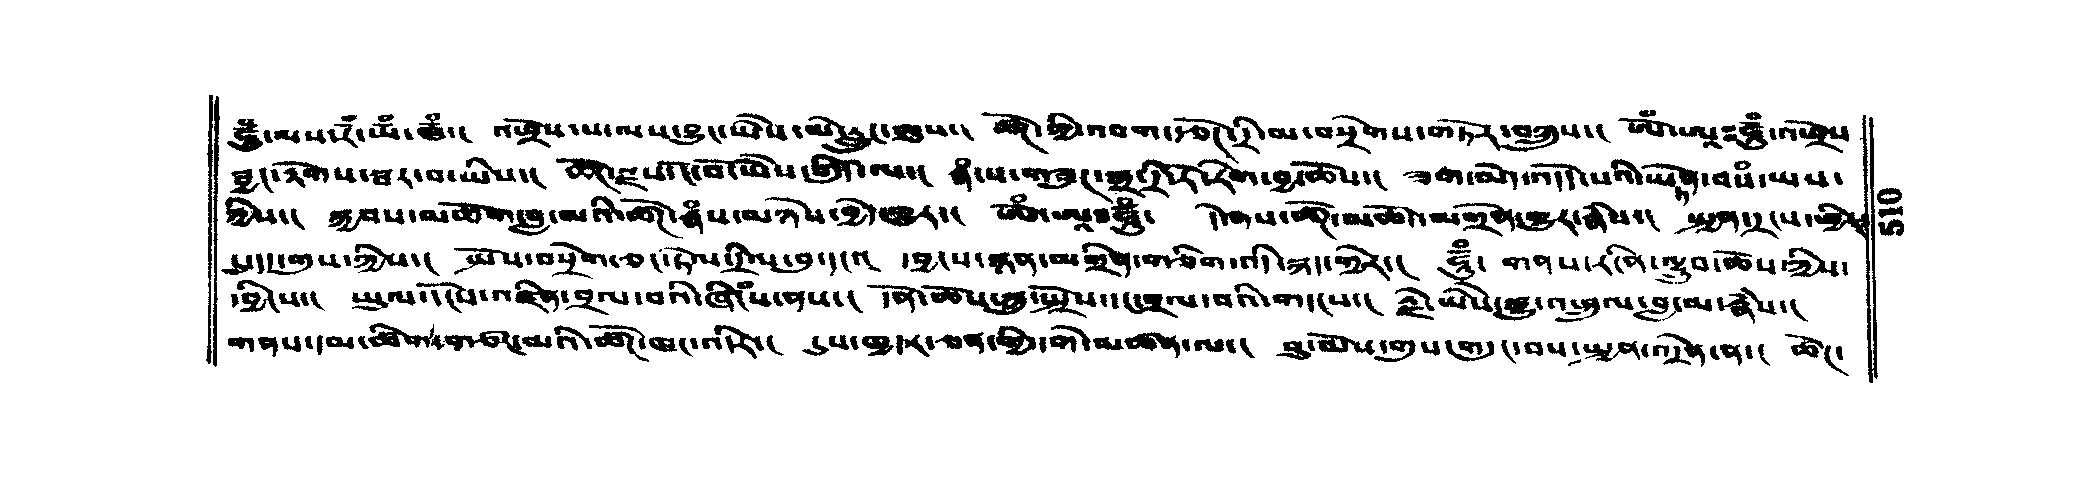ཧཱུྂ་ལས་རྂ་ཡྂ་ཁྂ། །འཕྲོས་པ་ལས་བྱུང་ཡེ་ཤེས་མེ་རླུང་ཆུས། ཚོགས་ཀྱི་འབག་རྩོགས་དྲི་མ་བསྲེགས་གཏོར་བཀྲུས། །ཨོྂ་ཨཱཿཧཱུྂ་འཕྲོས་
སྦྱང་རྟོགས་སྦར་བ་ཡིས། །ཚོགས་རྫས་ངོ་བོ་ཡེ་ཤེས་བདུད་རྩི་ལ། །རྣམ་པ་གཟུགས་སྒྲ་དྲི་རོ་རེག་བྱ་ཆོས། །ཟག་མེད་འདོད་པའི་ཡོན་ཏན་བསམ་ཡས་
ཀྱིས། །སྐྱབས་མཆོག་བླ་མའི་ཚིགས་རྣམས་མཉེས་བྱེད་གྱུར། །ཨོ་ཨཱཿཧཱུྂ།དེ་ནས་ཚོགས་མཆོད་མགྲོན་གྱུར་རྣམས། །སྤྱན་དྲངས་ཕྱིར་
དུ་དད་གུས་་ཀྱིས། །སྤོས་བསྲེག་ཅང་ཏེལ་དྲིལ་བུ་དང་། །དབྱངས་སྙན་མགྲིན་གཅིག་འདི་སྐད་ཟེར། །ཧཱུྂ། གནས་རང་བཞིན་ལྷུན་གྲུབ་ཆོས་ཀྱི་
དབྱིངས། །ཡུལ་དངོས་འཛིན་བྲལ་བའི་ཞིང་ཁམས་ནས། །དོན་ཆོས་སྐུ་སྤྲོས་དང་བྲལ་བའི་གདངས། །རྗེ་ཡེ་ཤེས་སྒྱུ་འཕྲུལ་བླ་མ་རྣམས། །
གནས་དམ་ཚིག་གཙང་མའི་ཚོགས་ཁང་འདིར། །དུས་ཁྱད་པར་ཅན་གྱི་དགེ་མཚན་ལ། །བུ་མོས་གུས་གདུང་བས་སྤྱན་འདྲེན་ན། །ཚོགས་